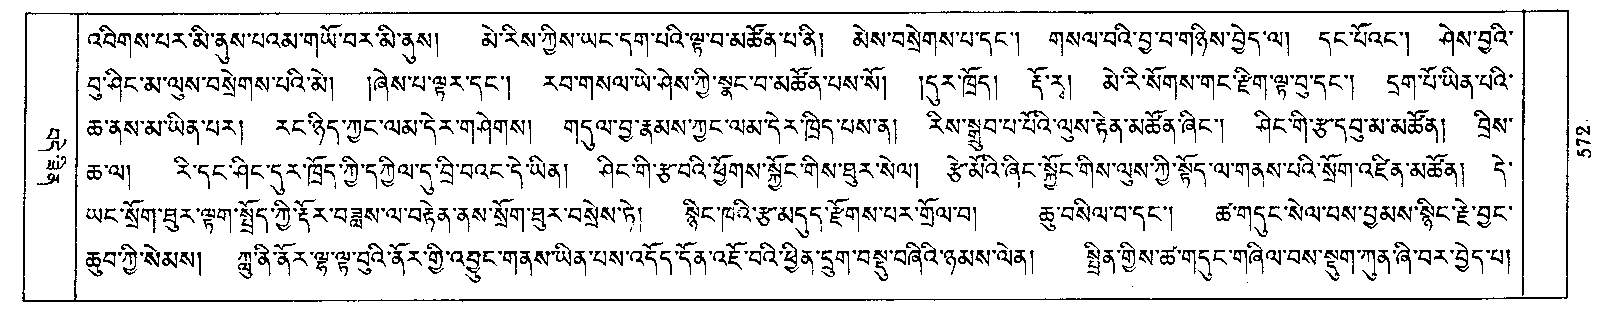འབིགས་པར་མི་ནུས་པའམ་གཡོ་བར་མི་ནུས། མེ་རིས་ཀྱིས་ཡང་དག་པའི་ལྟ་བ་མཚོན་པ་ནི། མེས་བསྲེགས་པ་དང་། གསལ་བའི་བྱ་བ་གཉིས་བྱེད་ལ། དང་པོའང་། ཤེས་བྱའི་
བུ་ཤིང་མ་ལུས་བསྲེགས་པའི་མེ། །ཞེས་པ་ལྟར་དང་། རབ་གསལ་ཡེ་ཤེས་ཀྱི་སྣང་བ་མཚོན་པས་སོ། །དུར་ཁྲོད། རྡོ་རྭ། མེ་རི་སོགས་གང་རྫིག་ལྟ་བུ་དང་། དྲག་པོ་ཡིན་པའི་
ཆ་ནས་མ་ཡིན་པར། རང་ཉིད་ཀྱང་ལམ་དེར་གཤེགས། གདུལ་བྱ་རྣམས་ཀྱང་ལམ་དེར་ཁྲིད་པས་ན། རིས་སྒྲུབ་པ་པོའི་ལུས་རྟེན་མཚོན་ཞིང་། ཤིང་གི་རྩ་དབུ་མ་མཚོན། བྲིས་
ཆ་ལ། རི་དང་ཤིང་དུར་ཁྲོད་ཀྱི་དཀྱིལ་དུ་བྲི་བའང་དེ་ཡིན། ཤིང་གི་རྩ་བའི་ཕྱོགས་སྐྱོང་གིས་ཐུར་སེལ། རྩེ་མོའི་ཞིང་སྐྱོང་གིས་ལུས་ཀྱི་སྟོད་ལ་གནས་པའི་སྲོག་འཛིན་མཚོན། དེ་
ཡང་སྲོག་ཐུར་ལྟག་སྤྲོད་ཀྱི་རྡོར་བཟླས་ལ་བརྟེན་ནས་སྲོག་ཐུར་བསྲེས་ཏེ། སྙིང་ཁའི་རྩ་མདུད་རྫོགས་པར་གྲོལ་བ། ཆུ་བསིལ་བ་དང་། ཚ་གདུང་སེལ་བས་བྱམས་སྙིང་རྗེ་བྱང་
ཆུབ་ཀྱི་སེམས། ཀླུ་ནི་ནོར་ལྷ་ལྟ་བུའི་ནོར་གྱི་འབྱུང་གནས་ཡིན་པས་འདོད་དོན་འཇོ་བའི་ཕྱིན་དྲུག་བསྡུ་བཞིའི་ཉམས་ལེན། སྤྲིན་གྱིས་ཚ་གདུང་གཞིལ་བས་སྡུག་ཀུན་ཞི་བར་བྱེད་པ།